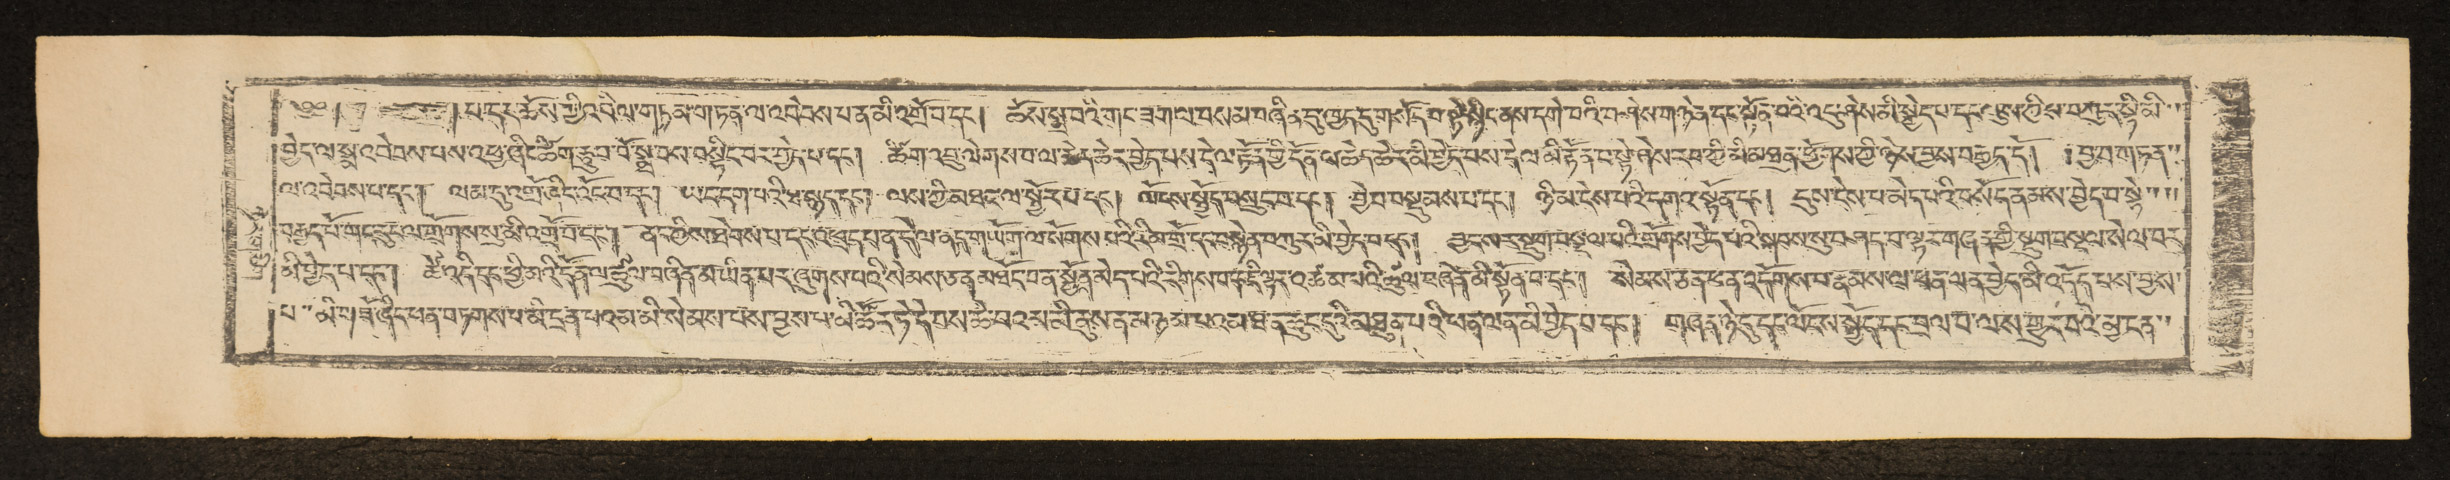༄༅། །པ་དང་ཆོས་ཀྱི་འབིལ་གཏམ་གཏན་ལ་འབེབས་པ་ན་མི་འགྲོ་བ་དང་། ཆོས་སྨྲ་བའི་གང་ཟག་ལ་བསམ་བཞིན་དུ་ཁྱད་དུ་གསོད་པ་སྟེ་སྙིང་ནས་དགེ་བའི་བཤེས་གཉེན་དང་སྟོན་པའི་འདུ་ཤེས་མི་སྐྱེད་པ་དང་ལུས་ཀྱིས་བཀུར་སྟི་མི་
བྱེད་ལ་སྨ་འབེབས་པས་འཕྱ་ཞིང་ཚིག་རྩུབ་བོ་སྨྲ་བས་བསྟིང་བར་བྱེད་པ་དང་། ཚིག་འབྲུ་ལེགས་པ་ལ་ཆེད་ཆེར་བྱེད་པས་དེ་ལ་རྟོན་གྱི་དོན་ལ་ཆེད་ཆེད་མི་བྱེད་པས་དེ་ལ་མི་རྟོན་པ་སྟེ་ཤེས་རབ་ཀྱི་མི་མཐུན་ཕྱོགས་ཀྱི་ཉེས་བྱས་བརྒྱད་དོ། །བྱ་བ་གཏན་
ལ་འབེབས་པ་དང་། ལམ་དུ་འགྲོ་ཞིང་འོང་བ་དང་། ཡང་དག་པའི་ཐ་སྙད་དང་། ལས་ཀྱི་མཐའ་ལ་སྦྱོར་བ་དང་། ལོངས་སྤྱོད་བསྲུང་བ་དང་། བྱེ་བ་བསྡུམས་པ་དང་། ཉི་མ་ངེས་པའི་དགའ་སྟོན་དང་། དུས་ངེས་པ་མེད་པའི་བསོད་ནམས་བྱེད་པ་སྟེ་
བརྒྱད་པོ་གང་རུང་ལ་གྲོགས་སུ་མི་འགྲོ་བ་དང་། ནད་ཀྱིས་ཐེབས་པ་དང་འཕྲད་པ་ན་དེ་ལ་ནད་གཡོག་ལ་སོགས་པའི་རིམ་གྲོ་དང་བསྙེན་བཀུར་མི་བྱེད་པ་དང་། བྱང་སར་སྡུག་བསྔལ་བའི་ཐོགས་བྱེད་པའི་སྐབས་སུ་བཤད་པ་ལྟར་གཞན་གྱི་སྡུག་བསྔལ་སེལ་བར་
མི་བྱེད་པ་དང་། ཚེ་འདི་དང་ཕྱི་མའི་དོན་ལ་ཚུལ་བཞིན་མ་ཡིན་པར་ཞུགས་པའི་སེམས་ཅན་མཐོང་བ་ན་སྐྱོན་མེད་པའི་རིགས་བ་དང་ཇི་ལྟར་འཚམ་པའི་ཚུལ་བཞིན་མི་སྟོན་པ་དང་། སེམས་ཅན་ཕན་འདོགས་པ་རྣམས་ལ་ཕན་ལན་བྱེད་མི་འདོད་པས་བྱས་
པ་མིག་ཟོ་ཞིང་ཕན་བཏགས་པ་མི་དྲན་པའམ་མི་སེམས་པས་བྱས་པ་མི་ཚོར་ཏེ་དེ་བས་ཆེ་བའམ་མི་ནུས་ན་མཉམ་པའམ་ཐ་ན་ཆུང་དུའི་མཐུན་པའི་ཕན་ལན་མི་བྱེད་པ་དང་། གཞན་ཉེ་དུ་དང་ལོངས་སྤྱོད་དང་བྲལ་བ་ལས་གྱུར་བའི་མྱ་ངན་